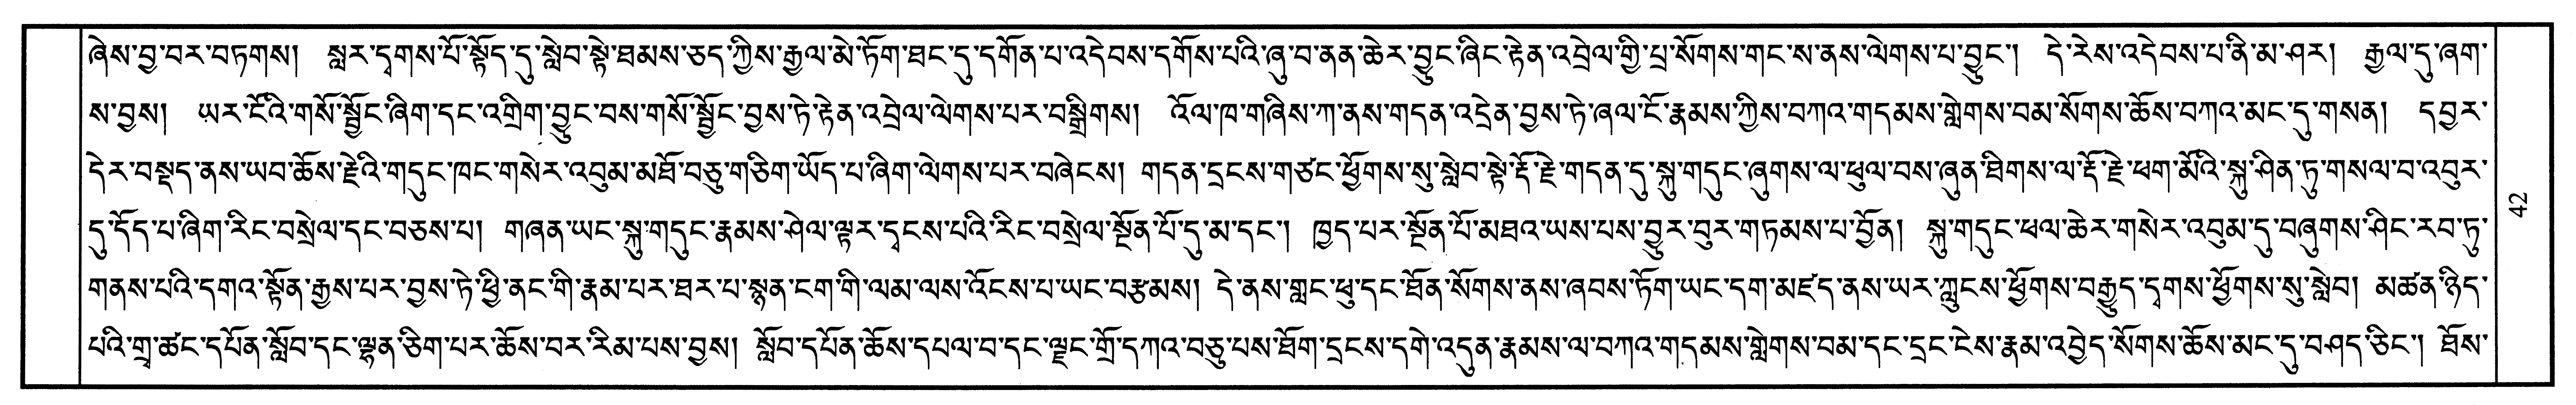ཞེས་བྱ་བར་བཏགས། སླར་དྭགས་པོ་སྟོད་དུ་སླེབ་སྟེ་ཐམས་ཅད་ཀྱིས་རྒྱལ་མེ་ཏོག་ཐང་དུ་དགོན་པ་འདེབས་དགོས་པའི་ཞུ་བ་ནན་ཆེར་བྱུང་ཞིང་རྟེན་འབྲེལ་གྱི་པར་སོགས་གང་ས་ནས་ལེགས་པ་བྱུང་། དེ་རེས་འདེབས་པ་ནི་མ་ཤར། རྒྱལ་དུ་ཞག་
ས་བྱས། ཡར་ངོའི་གསོ་སྦྱོང་ཞིག་དང་འགྲིག་བྱུང་བས་གསོ་སྦྱོང་བྱས་ཏེ་རྟེན་འབྲེལ་ལེགས་པར་བསྒྲིགས། འོལ་ཁ་གཞིས་ཀ་ནས་གདན་འདྲེན་བྱས་ཏེ་ཞལ་ངོ་རྣམས་ཀྱིས་བཀའ་གདམས་གླེགས་བམ་སོགས་ཆོས་བཀའ་མང་དུ་གསན། དབྱར་
དེར་བསྡད་ནས་ཡབ་ཆོས་རྗེའི་གདུང་ཁང་གསེར་འབུམ་མཐོ་བཅུ་གཅིག་ཡོད་པ་ཞིག་ལེགས་པར་བཞེངས། གདན་དྲངས་གཙང་ཕྱོགས་སུ་སླེབ་སྟེ་རྡོ་རྗེ་གདན་དུ་སྐུ་གདུང་ཞུགས་ལ་ཕུལ་བས་ཞུན་ཐིགས་ལ་རྡོ་རྗེ་ཕག་མོའི་སྐུ་ཤིན་ཏུ་གསལ་བ་འབུར་
དུ་དོད་པ་ཞིག་རིང་བསྲེལ་དང་བཅས་པ། གཞན་ཡང་སྐུ་གདུང་རྣམས་ཤེལ་ལྟར་དྭངས་པའི་རིང་བསྲེལ་སྔོན་པོ་དུ་མ་དང་། ཁྱད་པར་སྔོན་པོ་མཐའ་ཡས་པས་བྱུར་བུར་གཏམས་པ་བྱོན། སྐུ་གདུང་ཕལ་ཆེར་གསེར་འབུམ་དུ་བཞུགས་ཤིང་རབ་ཏུ་
གནས་པའི་དགའ་སྟོན་རྒྱས་པར་བྱས་ཏེ་ཕྱི་ནང་གི་རྣམ་པར་ཐར་པ་སྙན་ངག་གི་ལམ་ལས་འོངས་པ་ཡང་བརྩམས། དེ་ནས་གླང་ཕུ་དང་ཐོན་སོགས་ནས་ཞབས་ཏོག་ཡང་དག་མཛད་ནས་ཡར་ཀླུངས་ཕྱོགས་བརྒྱུད་དྭགས་ཕྱོགས་སུ་སླེབ། མཚན་ཉིད་
པའི་གྲྭ་ཚང་དཔོན་སློབ་དང་ལྷན་ཅིག་པར་ཆོས་བར་རིམ་པས་བྱས། སློབ་དཔོན་ཆོས་དཔལ་བ་དང་ལྗང་གྲོ་དཀའ་བཅུ་པས་ཐོག་དྲངས་དགེ་འདུན་རྣམས་ལ་བཀའ་གདམས་གླེགས་བམ་དང་དྲང་ངེས་རྣམ་འབྱེད་སོགས་ཆོས་མང་དུ་བཤད་ཅིང་། ཐོས་